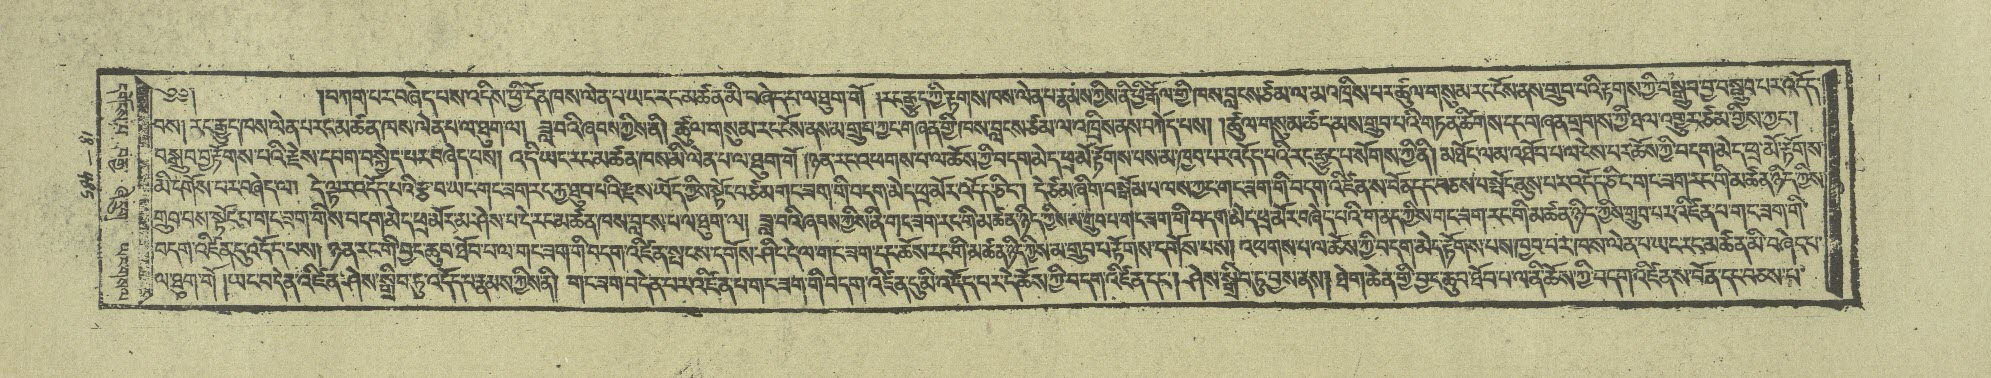༄༅། །བཀག་པར་བཞེད་པས་འདིས་ཕྱི་དོན་ཁས་ལེན་པ་ཡང་རང་མཚན་མི་བཞེད་པ་ལ་ཐུག་གོ །རང་རྒྱུད་ཀྱི་རྟགས་ཁས་ལེན་པ་རྣམས་ཀྱིས་ནི་ཕྱི་རྒོལ་གྱི་ཁས་བླངས་ཙམ་ལ་མ་འཁྲིས་པར་ཚུལ་གསུམ་རང་ངོས་ནས་གྲུབ་པའི་རྟགས་ཀྱི་བསྒྲུབ་བྱ་བསྒྲུབ་པར་འདོད་
པས། རང་རྒྱུད་ཁས་ལེན་པ་རང་མཚན་ཁས་ལེན་པ་ལ་ཐུག་ལ། ཟླ་བའི་ཞབས་ཀྱིས་ནི། ཚུལ་གསུམ་རང་ངོས་ནས་མ་གྲུབ་ཀྱང་གཞན་གྱི་ཁས་བླངས་ཙམ་ལ་འཁྲིས་ནས་བཀོད་པས། །ཚུལ་གསུམ་ཚད་མས་གྲུབ་པའི་གཏན་ཚིགས་དང་གཞན་གྲགས་ཀྱི་ཐལ་འགྱུར་ཙམ་གྱིས་ཀྱང་།
བསྒྲུབ་བྱ་རྟོགས་པའི་རྗེས་དཔག་བསྐྱེད་པར་བཞེད་པས། འདི་ཡང་རང་མཚན་ཁས་མི་ལེན་པ་ལ་ཐུག་གོ །ཉན་རང་འཕགས་པ་ལ་ཆོས་ཀྱི་བདག་མེད་ཕྲ་མོ་རྟོགས་པས་མ་ཁྱབ་པར་འདོད་པའི་རང་རྒྱུད་པ་སོགས་ཀྱི་ནི། མཐོང་ལམ་འཐོབ་པ་ལ་ངེས་པར་ཆོས་ཀྱི་བདག་མེད་ཕྲ་མོ་རྟོགས་
མི་དགོས་པར་བཞེད་ལ། དེ་ལྟར་འདོད་པའི་རྩ་བ་ཡང་གང་ཟག་རང་རྐྱ་ཐུབ་པའི་རྫས་ཡོད་ཀྱིས་སྟོང་པ་ཙམ་གང་ཟག་གི་བདག་མེད་ཕྲ་མོར་འདོད་ཅིང་། དེ་ཙམ་ཞིག་བསྒོམ་པ་ལས་ཀྱང་གང་ཟག་གི་བདག་འཛིན་ས་བོན་དང་བཅས་པ་སྤོང་ནུས་པར་འདོད་ཅིང་གང་ཟག་རང་གི་མཚན་ཉིད་ཀྱིས་
གྲུབ་པས་སྟོང་པ་གང་ཟག་གིས་བདག་མེད་ཕྲ་མོར་མ་ཤེས་པ་དེ་རང་མཚན་ཁས་བླངས་པ་ལ་ཐུག་ལ། ཟླ་བའི་ཞབས་ཀྱིས་ནི་གང་ཟག་རང་གི་མཚན་ཉིད་ཀྱིས་མ་གྲུབ་པ་གང་ཟག་གི་བདག་མེད་ཕྲ་མོར་བཞེད་པའི་གནད་ཀྱིས་གང་ཟག་རང་གི་མཚན་ཉིད་ཀྱིས་གྲུབ་པར་འཛིན་པ་གང་ཟག་གི་
བདག་འཛིན་དུ་འདོད་པས། ཉན་རང་གི་བྱང་ཆུབ་ཐོབ་པ་ལ་གང་ཟག་གི་བདག་འཛིན་སྤངས་དགོས་ཤིང་དེ་ལ་གང་ཟག་དང་ཆོས་རང་གི་མཚན་ཉིད་ཀྱིས་མ་གྲུབ་པ་རྟོགས་དགོས་པས། འཕགས་པ་ལ་ཆོས་ཀྱི་བདག་མེད་རྟོགས་པས་ཁྱབ་པར་ཁས་ལེན་པ་ཡང་རང་མཚན་མི་བཞེད་པ་
ལ་ཐུག་གོ །ཡང་བདེན་འཛིན་ཤེས་སྒྲིབ་ཏུ་འདོད་པ་རྣམས་ཀྱིས་ནི། གང་ཟག་བདེན་པར་འཛིན་པ་གང་ཟག་གི་བདག་འཛིན་དུ་མི་འདོད་པར་དེ་ཆོས་ཀྱི་བདག་འཛིན་དང་། ཤེས་སྒྲིབ་ཏུ་བྱས་ནས། ཐེག་ཆེན་གྱི་བྱང་ཆུབ་ཐོབ་པ་ལ་ནི་ཆོས་ཀྱི་བདག་འཛིན་ས་བོན་དང་བཅས་པ་